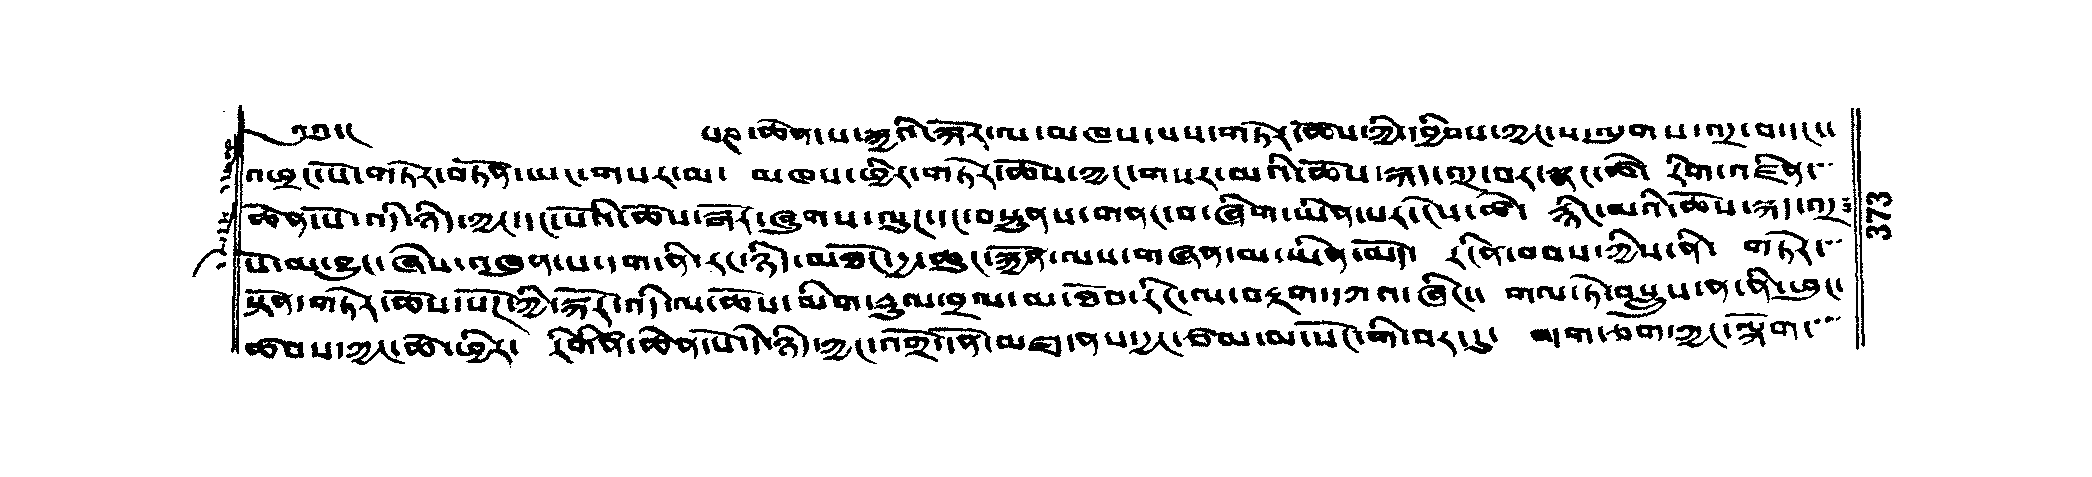པཎ་ཆེན་ས་སྐྱའི་སྐོར་ལ་མཁས་པས་གཏེར་ཆོས་ཀྱི་དབྱིབས་ཀྱང་ས་ལུགས་འདྲ་བ་དང་། 
འཕྲང་པོ་གཏེར་བཏོན་ཡང་གསར་མ་མཁས་ཕྱིར་གཏེར་ཆོས་ཀྱང་གསར་མའི་ཆོས་སྐད་འདྲ་བར་སྣང་ཚེ། རིག་འཛིན་
ཆེན་པོ་འདི་ཉིད་ཀྱང་དང་པོའི་ཆོས་སྒོར་ཞུགས་ལུགས་དང་བསྟུན་ནས་གནང་བ་ཞིག་ཡིན་པར་ངེས་ཚེ། རྙིང་མའི་ཆོས་སྐད་འདྲ་
པོ་མ་བྱུང་ཞེས་འཁུན་པ་དག་ནི་རང་ཉིད་མཐོང་རྒྱ་ཆུང་སྐྱོན་ལས་གཞན་མ་ཡིན་མོད། རང་བཞིན་བབས་ཀྱི་དོན་ནི། གཏེར་
སྟོན་གཏེར་ཆོས་སོགས་ཀྱི་སྐོར་འདི་ལ་ཆོས་མིག་རྡུལ་བྲལ་མ་ཐོབ་རིང་ལ་བརྟག་དཀའ་ཞིང་། གལ་ཏེ་བསླུས་ན་ནི་ཕུང་
ཚབས་ཀྱང་ཆེ་ཕྱིར། རིག་འཛིན་ཆེན་པོ་དེ་ཉིད་ཀྱང་འགྲོ་དོན་མཛད་ནས་རྒྱང་ཙམ་མ་སོང་གི་བར་དུ། བདག་ཅག་ཀྱང་ལྐོག་